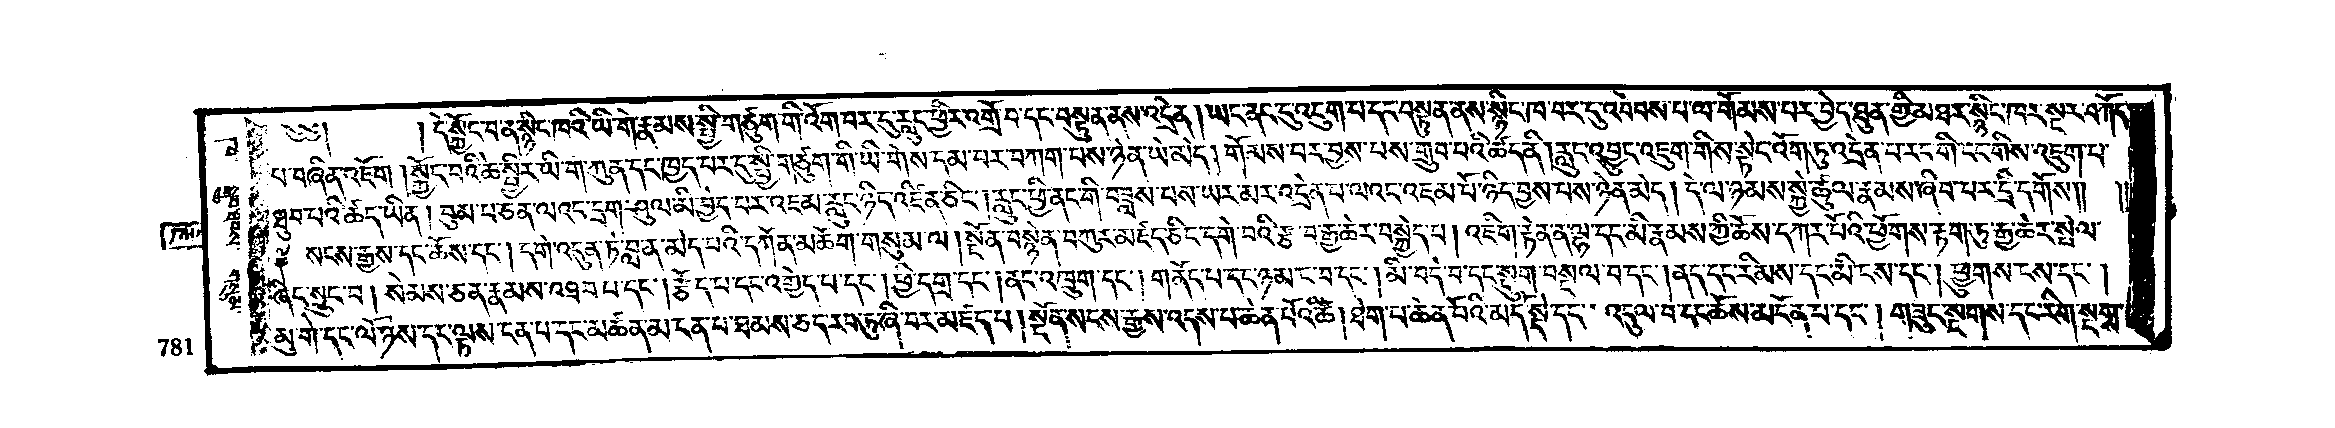༄༅། །དེ་སྐྱོང་བ་ན་སྙིང་ཁའི་ཡི་གེ་རྣམས་སྤྱི་གཙུག་གི་འོག་བར་དུ་རླུང་ཕྱིར་འགྲོ་བ་དང་བསྟུན་ནས་འདྲེན། ཡང་ནང་དུ་འཇུག་པ་དང་བསྟུན་ནས་སྙིང་ཁ་བར་དུ་འབེབས་པ་ལ་གོམས་པར་བྱེད་ཐུན་གྱི་མཐར་སྙིང་ཁར་སྔར་བཀོད་
པ་བཞིན་འཇོག །སྐྱོང་བའི་ཆེ་སྤྱིར་ཡི་གེ་ཀུན་དང་ཁྱད་པར་དུ་སྤྱི་གཙུག་གི་ཡི་གེས་དམ་པར་བཀག་པས་ཉེན་ཡེ་མེད། གོམས་པར་བྱས་པས་གྲུབ་པའི་ཆོད?་ནི། རླུང་འབྱུང་འཇུག་གིས་སྟེང་འོག་ཏུ་འདྲེན་པ་རང་གི་ངང་གིས་འཇུག་པ་
ཐུབ་པའི་ཚད་ཡིན། བུམ་པ་ཅན་ལའང་དྲག་ཤུལ་མི་བྱེད་པར་འཇམ་རླུང་ཉིད་འཛིན་ཅིང་། རླུང་ཕྱི་ནང་གི་བཟླས་པས་ཡར་མར་འདྲེན་པ་ལའང་འཇམ་པོ་ཉིད་བྱས་པས་ཉེན་མེད། དེ་ལ་ཉམས་སྐྱེ་ཚུལ་རྣམས་ཞིབ་པར་དྲི་དགོས།། །།
༈ སངས་རྒྱས་དང་ཆོས་དང་། དགེ་འདུན་ཏེ་བླ་ན་མེད་པའི་དཀོན་མཆོག་གསུམ་ལ། སྔོན་བསྙེན་བཀུར་མཛད་ཅིང་དགེ་བའི་རྩ་བ་རྒྱ་ཆེར་བསྐྱེད་པ། འཇིག་རྟེན་ན་ལྷ་དང་མི་རྣམས་ཀྱི་ཆོས་དཀར་པོའི་ཕྱོགས་རྟག་ཏུ་རྒྱ་ཆེར་སྤེལ་
ཞིང་སྲུང་བ། སེམས་ཅན་རྣམས་འཐབ་པ་དང་། རྩོད་པ་དང་འགྱེད་པ་དང་། ཕྱི་དགྲ་དང་། ནང་འཁྲུག་དང་། གནོད་པ་དང་ཉམ་ང་བ་དང་། མི་བདེ་བ་དང་སྡུག་བསྔལ་བ་དང་། ནད་དང་རིམས་དང་མེ་ངས་དང་། ཕྱུགས་ངས་དང་།
མུ་གེ་དང་ལོ་ཉེས་དང་ལྟས་ངན་པ་དང་མཚན་མ་ངན་པ་ཐམས་ཅད་རབ་ཏུ་ཞི་བར་མཛད་པ། སྔོན་སངས་རྒྱས་འདས་པ་ཆེན་པོའི་ཚེ། ཐེག་པ་ཆེན་པོའི་མདོ་སྡེ་དང་། འདུལ་བ་དང་ཆོས་མངོན་པ་དང་། གཟུང་སྔགས་དང་རིག་སྔགས་